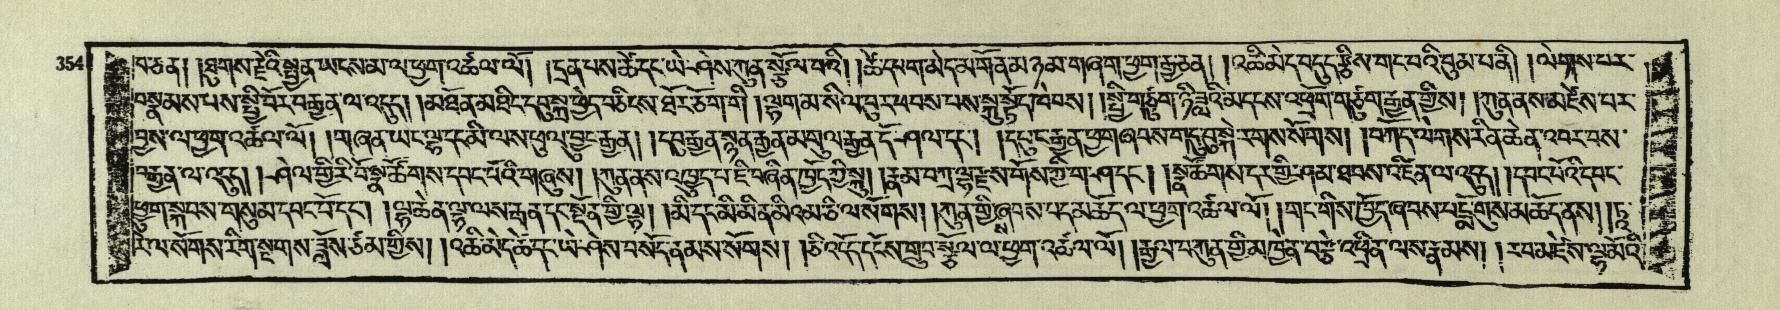བ་ཅན། །ཐུགས་རྗེའི་སྤྱན་ཡངས་མ་ལ་ཕྱག་འཚལ་ལོ། །དྲན་པས་ཚེ་དང་ཡེ་ཤེས་ཀུན་སྩོལ་བའི། །ཚེ་དཔག་མེད་མགོན་མཉམ་གཞག་ཕྱག་རྒྱ་ཅན། །འཚི་མེད་བདུད་རྩིས་གང་བའི་བུམ་པ་ནི། །ལེགས་པར་
བསྣམས་པས་སྤྱི་བོར་བརྒྱན་ལ་འདུད། །མཐོན་མཐིང་དབུ་སྐྲ་ཕྱེད་བཅིངས་ཐོར་ཅོག་གི །ལྷག་མ་སིལ་བུར་ཕབས་པས་སྐུ་སྟོད་ཁེབས། །སྤྱི་གཙུག་ཉི་ཟླའི་མདངས་འཕྲོག་གཙུག་རྒྱན་གྱིས། །ཀུན་ནས་མཛེས་པར་
བྱས་ལ་ཕྱག་འཚལ་ལོ། །གཞན་ཡང་ལྷ་དང་མི་ལས་ཕུལ་བྱུང་རྒྱན། །དབུ་རྒྱན་སྙན་རྒྱན་མགུལ་རྒྱན་དོ་ཤལ་དང་། །དཔུང་རྒྱན་ཕྱག་ཞབས་གདུ་བུ་སྐེ་རགས་སོགས། །བཀོད་ལེགས་རིན་ཆེན་འབར་བས་
བརྒྱན་ལ་འདུད། །ཤེལ་གྱི་རི་བོ་སྣ་ཚོགས་དབང་པོའི་གཞུས། །ཀུན་ནས་འཁྱུད་པ་ཇི་བཞིན་ཁྱོད་ཀྱི་སྐུ། །རྣམ་བཀྲ་ལྷ་རྫས་གོས་ཀྱི་ག་ཤ་དང་། །སྣ་ཚོགས་དར་གྱི་ཤམ་ཐབས་འཛིན་ལ་འདུད། །དབང་པོའི་དབང་
ཕྱུག་སྐབས་གསུམ་དབང་པོ་དང་། །ལྷ་ཆེན་ལྷ་ལས་རྒན་དང་སྔོན་གྱི་ལྷ། །མི་དང་མི་མིན་མིའམ་ཅི་ལ་སོགས། །ཀུན་གྱིས་ཞབས་པད་མཆོད་ལ་ཕྱག་འཚལ་ལོ། །གང་གིས་ཁྱོད་ཞབས་པདམོ་གུས་མཆོད་ནས། །ཏཱ་
རེ་ལ་སོགས་རིག་སྔགས་ཟློས་ཙམ་གྱིས། །འཆི་མེད་ཚེ་དང་ཡེ་ཤེས་བསོད་ནམས་སོགས། །ཅི་འདོད་དངོས་གྲུབ་སྩོལ་ལ་ཕྱག་འཚལ་ལོ། །རྒྱལ་བ་ཀུན་གྱི་མཁྱེན་བརྩེ་འཕྲིན་ལས་རྣམས། །རབ་མཛེས་ལྷ་མོའི་